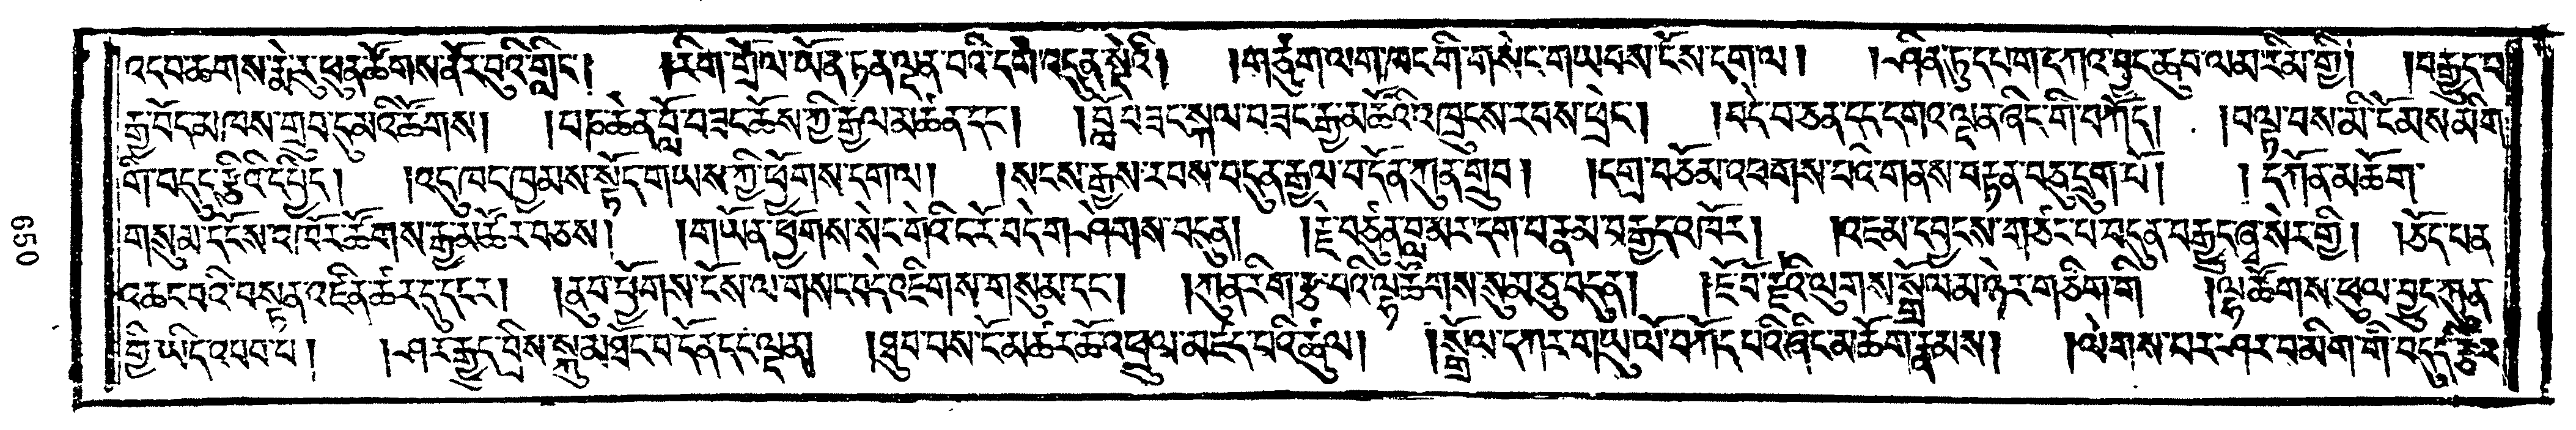འདབ་ཆགས་རྨེ་རུ་ཕུན་ཚོགས་ནོར་བུའི་གླིང་། །རིག་གྲོལ་ཡོན་ཏན་ལྡན་བའི་དགེ་འདུན་སྡེའི། །གཙུག་ལག་ཁང་གི་གསེང་གཡབས་ངོས་དག་ལ། །ཤིན་ཏུ་དཔག་དཀའ་བྱང་ཆུབ་ལམ་རིམ་གྱི། །བརྒྱུད་བ་
རྒྱ་བོད་མཁས་གྲུབ་དུ་མའི་ཚོགས། །པཎ་ཆེན་བློ་བཟང་ཆོས་ཀྱི་རྒྱལ་མཚན་དང་། །བློ་བཟང་སྐལ་བཟང་རྒྱ་མཚོའི་འཁྲུངས་རབས་ཕྲེང་། །བདེ་བ་ཅན་དང་དགའ་ལྡན་ཞིང་གི་བཀོད། །བལྟ་བས་མི་ངོམས་མིག་
གི་བདུད་རྩིའི་དཔྱིད། །འདུ་ཁང་ཁྱམས་སྟོད་གཡས་ཀྱི་ཕྱོགས་དག་ལ། །སངས་རྒྱས་རབས་བདུན་རྒྱལ་བ་དོན་ཀུན་གྲུབ། །དགྲ་བཅོམ་འཕགས་པའི་གནས་བརྟན་བཅུ་དྲུག་པོ། །དཀོན་མཆོག་
གསུམ་དངོས་འཁོར་ཚོགས་རྒྱ་མཚོར་བཅས། །གཡོན་ཕྱོགས་སེང་གེའི་ང་རོ་བདེ་གཤེགས་བདུན། །རྗེ་བཙུན་བླ་མར་དག་པ་རྣམ་བརྒྱད་འཁོར། །འཇམ་དབྱངས་གཙང་པ་བདུན་བརྒྱུད་ཞྭ་སེར་གྱི། །ཅོད་པན་
འཆང་བའི་བསྟན་འཛིན་ཚར་དུ་དངར། །ནུབ་ཕྱོགས་ངོས་ལ་གསང་བདེ་འཇིགས་གསུམ་དང་། །ཀུན་རིག་རྩ་བའི་ལྷ་ཚོགས་སུམ་ཅུ་བདུན། །ཇོ་བོ་རྗེའི་ལུགས་སྒྲོལ་མ་ཉེར་གཅིག་གི །ལྷ་ཚོགས་ཕུལ་བྱུང་ཀུན་
གྱི་ཡིད་འབབ་པ། །ཤར་རྒྱུད་བྲིས་སྐུ་མཐོང་བ་དོན་དང་ལྡན། །ཐུབ་བས་ངོ་མཚར་ཆོ་འཕྲུལ་མཛད་པའི་ཚུལ། །སྒྲོལ་དཀར་གཡུ་ལོ་བཀོད་པའི་ཞིང་མཆོག་རྣམས། །ལེགས་པར་ཤར་བ་མིག་གི་བདུད་རྩི་